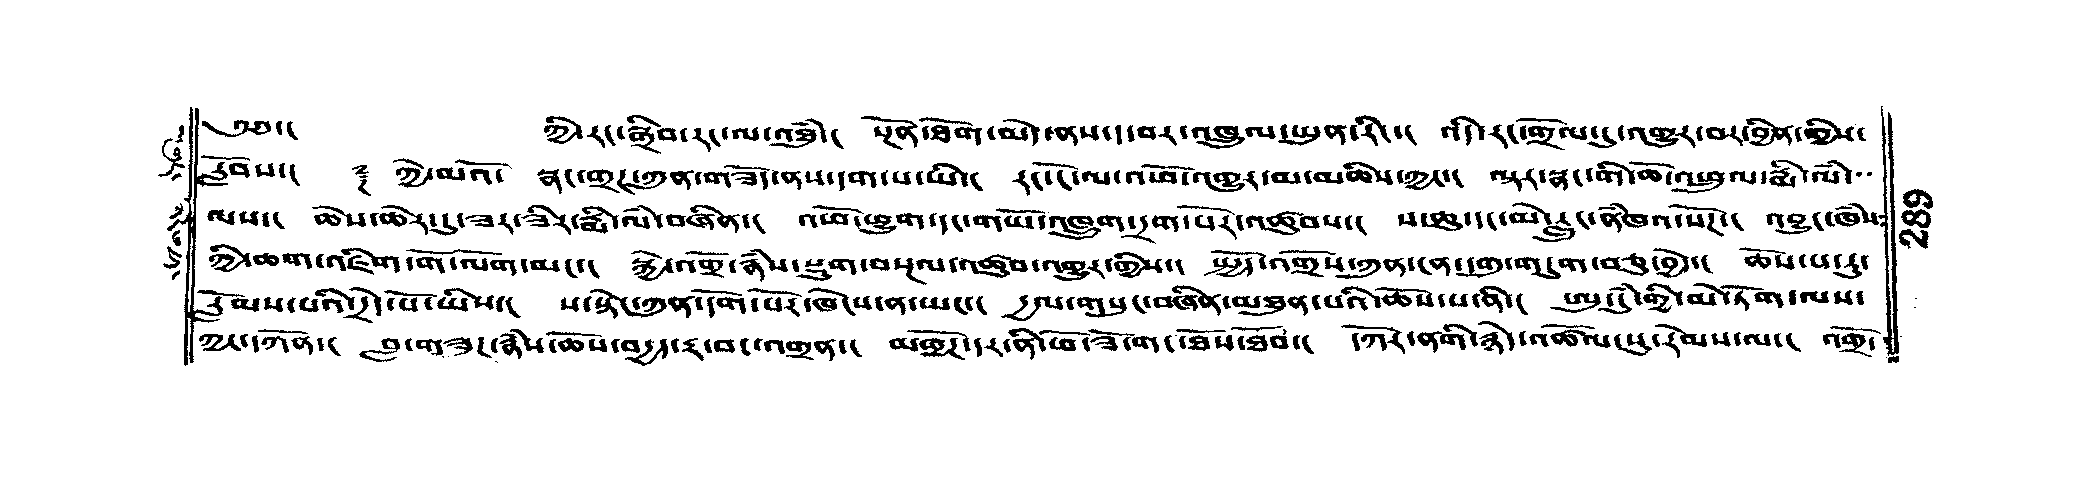ཀྱི་རང་སྒྲིབ་རང་ལ་འཐུམ། །སྔོན་ཐོག་མེད་ནས་ད་བར་འཁྲུལ་ཡུན་རིང་། །འདི་རང་གྲོལ་དུ་འགྱུར་བར་བྱིན་གྱིས་
རློབས།།༈ ཀྱེ་མའོ། སྣང་གྲགས་ཀུན་གཟོད་ནས་དག་པ་ཡི། །རང་ངོ་ལ་འཕོ་འགྱུར་མ་མཆིས་ཀྱང་། །ལྟར་སྣང་གི་ཆོ་འཕྲུལ་རྨི་ལམ་
ལས། །ཆེས་ཆེར་དུ་ཟར་ཟིར་རྨི་ལམ་བཞིན། །འཕོ་འཆུགས་དང་གཡོ་འཁྲུགས་དྲག་པོར་འཚུབས། །ས་ཆུ་དང་མེ་རླུང་ནམ་མཁའ་སོགས། །འབྱུང་ཁམས་
ཀྱི་ཆག་འཇིག་གོ་ལོག་མང་། །སྐྱེ་འགྲོ་རྣམས་སྡུག་བསྔལ་འཚུབ་འགྱུར་གྱིས། །སྤྱོད་འགྲོས་ཀུན་ངན་དགུ་སྡུག་བཅུ་བྱེད། །ཆོས་པ་རུ་
རློམས་པའི་དྲེད་པོ་ཡིས། །ས་སྟེང་ཀུན་དོག་པོར་ཁེངས་ན་ཡང་། །རྒྱལ་གསུང་བཞིན་མཐུན་པའི་ཆོས་པ་ནི། །ཨུ་དུམ་གྱི་མེ་ཏོག་ལས་
ཀྱང་དཀོན། །བླ་གཟུགས་རྣམས་ཆོས་བརྒྱད་རྟ་བང་འགྲན། །མགྱོགས་དར་ནི་ཕོ་ཟོ་གང་མཐོས་ཐོབ། །དཀོར་ནག་གི་རྙེད་འཚོལ་སུ་རེམས་ལ། །འགྲོ་